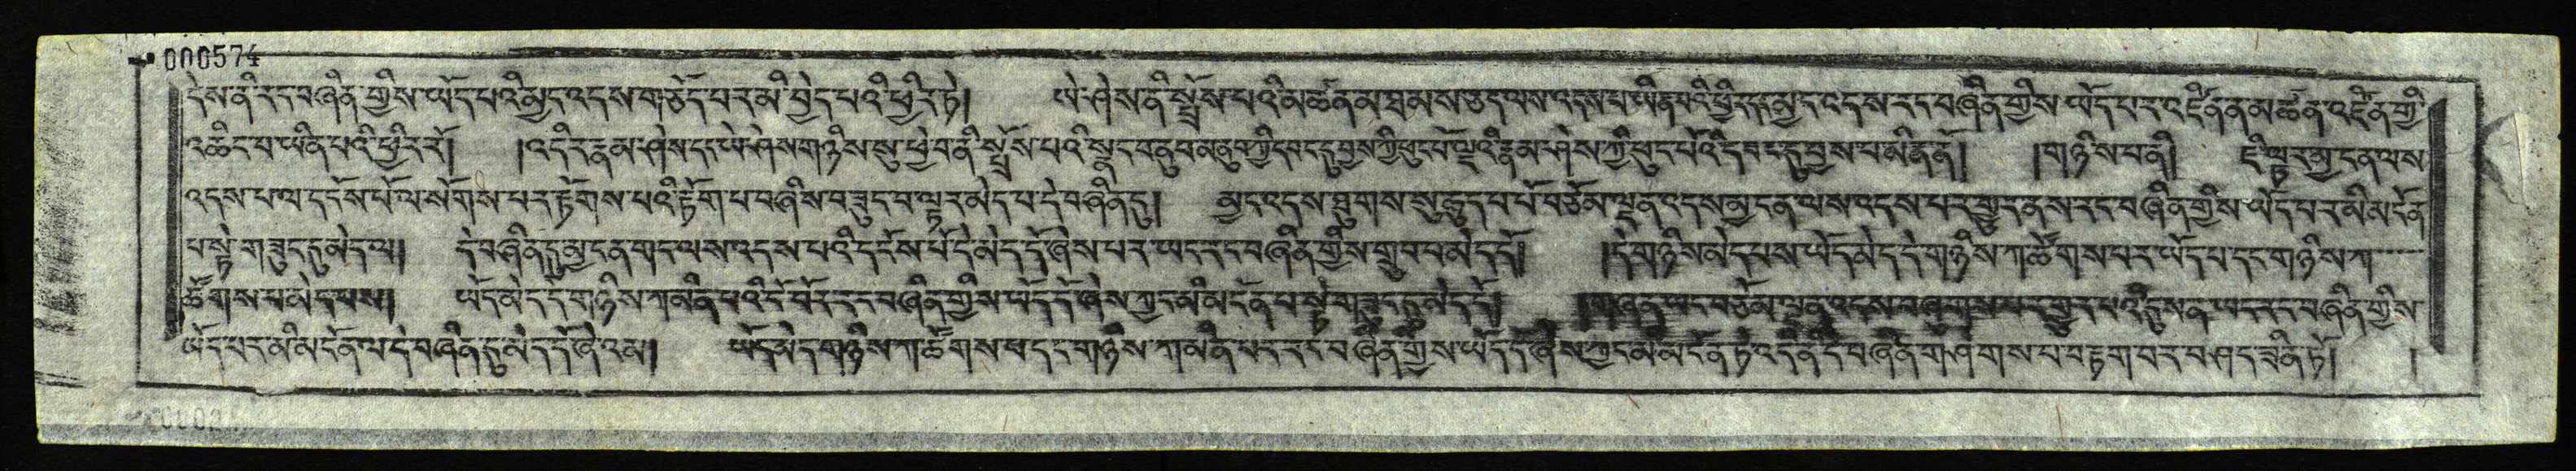དེས་ནི་རང་བཞིན་གྱིས་ཡོད་པའི་མྱང་འདས་གཅོད་པར་མི་བྱེད་པའི་ཕྱིར་ཏེ། ཡེ་ཤེས་ནི་སྤྲོས་པའི་མཚན་མ་ཐམས་ཅད་ལས་འདས་པ་ཡིན་པའི་ཕྱིར་དང་མྱང་འདས་རང་བཞིན་གྱིས་ཡོད་པར་འཛིན་ན་མཚན་འཛིན་གྱི་
འཆིང་པ་ཡིན་པའི་ཕྱིར་རོ། །འདིར་རྣམ་ཤེས་དང་ཡེ་ཤེས་གཉིས་སུ་ཕྱེ་བ་ནི་སྤྲོས་པའི་སྣང་བ་ནུབ་མ་ནུབ་ཀྱི་དབང་དུ་བྱས་ཀྱི་ཕུང་པོ་ལྔའི་རྣམ་ཤེས་ཀྱི་ཕུང་པོའི་དབང་དུ་བྱས་པ་མིན་ནོ། །གཉིས་པ་ནི། ཇི་ལྟར་མྱ་ངན་ལས་
འདས་པ་ལ་དངོས་པོ་ལ་སོགས་པར་རྟོགས་པའི་རྟོག་པ་བཞི་ས་བཟུང་པ་ལྟར་མེད་པ་དེ་བཞིན་དུ། མྱང་འདས་ཐུགས་སུ་ཆུད་པ་པོ་བཅོམ་ལྡན་འདས་མྱ་ངན་ལས་འདས་པར་གྱུར་ནས་རང་བཞིན་གྱིས་ཡོད་པར་མི་མངོན་
པ་སྟེ་གཟུང་དུ་མེད་ལ། དེ་བཞིན་དུ་མྱ་ངན་གང་ལས་འདས་པའི་དངོས་པོ་དེ་མེད་དོ་ཞེས་པར་ཡང་རང་བཞིན་གྱིས་གྲུབ་པ་མེད་དོ། །དེ་གཉིས་མེད་པས་ཡོད་མེད་དེ་གཉིས་ཀ་ཚོགས་པར་ཡོད་པ་དང་གཉིས་ཀ་
ཚོགས་པ་མེད་པས། ཡོད་མེད་དེ་གཉིས་ཀ་མིན་པའི་ངོ་བོར་རང་བཞིན་གྱིས་ཡོད་དོ་ཞེས་ཀྱང་མི་མངོན་པ་སྟེ་གཟུང་དུ་མེད་དོ། །གཞན་ཡང་བཅོམ་ལྡན་འདས་བཞུགས་པར་གྱུར་པའི་དུས་ན་ཡང་རང་བཞིན་གྱིས་
ཡོད་པར་མི་མངོན་ལ་དེ་བཞིན་དུ་མེད་དོ་ཞེ་འམ། ཡོད་མེད་གཉིས་ཀ་ཚོགས་པ་དང་གཉིས་ཀ་མིན་པར་རང་བཞིན་གྱིས་ཡོད་དོ་ཞེས་ཀྱང་མི་མངོན་ཏེ་འདི་ནི་དེ་བཞིན་གཤེགས་པ་བརྟག་པར་བཤད་ཟིན་ཏོ། །